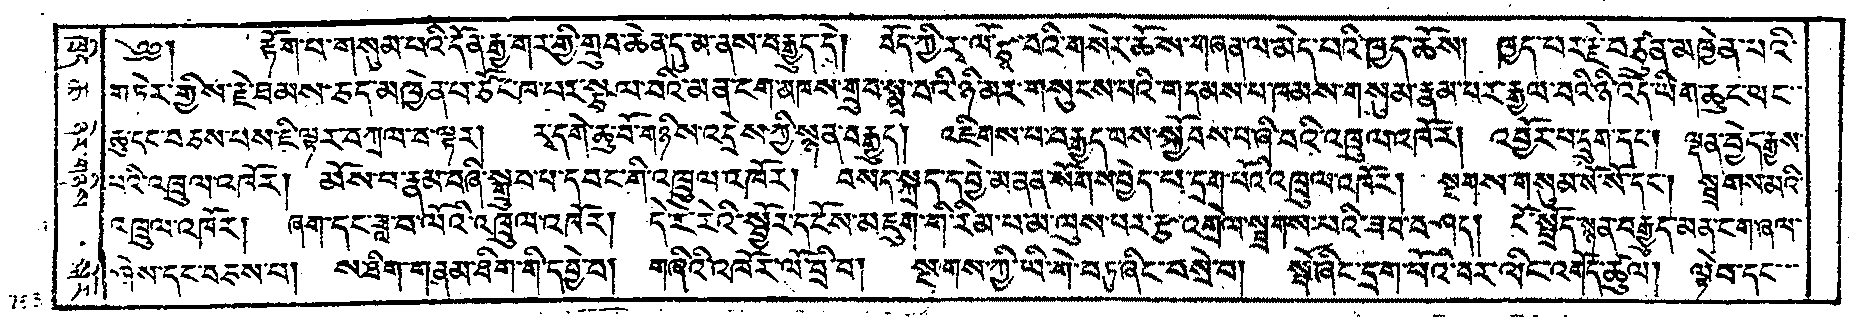༄༅། །རྟོག་པ་གསུམ་པའི་དོན་རྒྱ་གར་གྱི་གྲུབ་ཆེན་དུ་མ་ནས་བརྒྱུད་དེ། བོད་ཀྱི་རྭ་ལོ་རྩཱ་བའི་གསེར་ཆོས་གཞན་ལ་མེད་པའི་ཁྱད་ཆོས། ཁྱད་པར་རྗེ་བཙུན་མཁྱེན་པའི་
གཏེར་གྱིས་རྗེ་ཐམས་ཅད་མཁྱེན་པ་ཙོང་ཁ་པར་སྩལ་བའི་མན་ངག་མཁས་གྲུབ་སྨྲ་བའི་ཉི་མར་གསུངས་པའི་གདམས་པ་ཁམས་གསུམ་རྣམ་པར་རྒྱལ་བའི་ཉི་འོད་ཡིག་ཆུང་ལང་
ཆུ་དང་བཅས་པས་ཇི་ལྟར་བཀྲལ་བ་ལྟར། རྭ་དགེ་ཆུ་བོ་གཉིས་འདྲེས་ཀྱི་སྙན་བརྒྱུད། འཇིགས་པ་བརྒྱད་ལས་སྐྱོབས་པ་ཞི་བའི་འཁྲུལ་འཁོར། འབྱོར་པ་དྲུག་དང་། ལྡན་བྱེད་རྒྱས་
པའི་འཁྲུལ་འཁོར། མོས་པ་རྣམ་བཞི་སྒྲུབ་པ་དབང་གི་འཁྲུལ་འཁོར། བསད་སྐྲད་དབྱེ་མནན་སོགས་བྱེད་པ་དྲག་པོའི་འཁྲུལ་འཁོར། སྔགས་གསུམ་སོ་སོ་དང་། སྦྲགས་མའི་
འཁྲུལ་འཁོར། ཞག་དང་ཟླ་བ་ལོའི་འཁྲུལ་འཁོར། དེ་རེ་རེའི་སྦྱོར་དངོས་མཇུག་གི་རིམ་པ་མ་ལུས་པར་རྩ་འགྲེལ་སྦྲགས་པའི་ཟབ་བཤད། ངོ་སྤྲོད་སྙན་བརྒྱུད་མན་ངག་ཞལ་
ཤེས་དང་བཅས་པ། ས་ཐིག་གནམ་ཐིག་གི་དབྱེ་བ། གཞིའི་འཁོར་ལོ་བྲི་བ། སྔགས་ཀྱི་ཡི་གེ་བཏུ་ཞིང་བསྲེ་བ། སྤོ་ཞིང་དྲག་པོའི་བར་ལིང་འགོད་ཚུལ། ལྟེབ་དང་